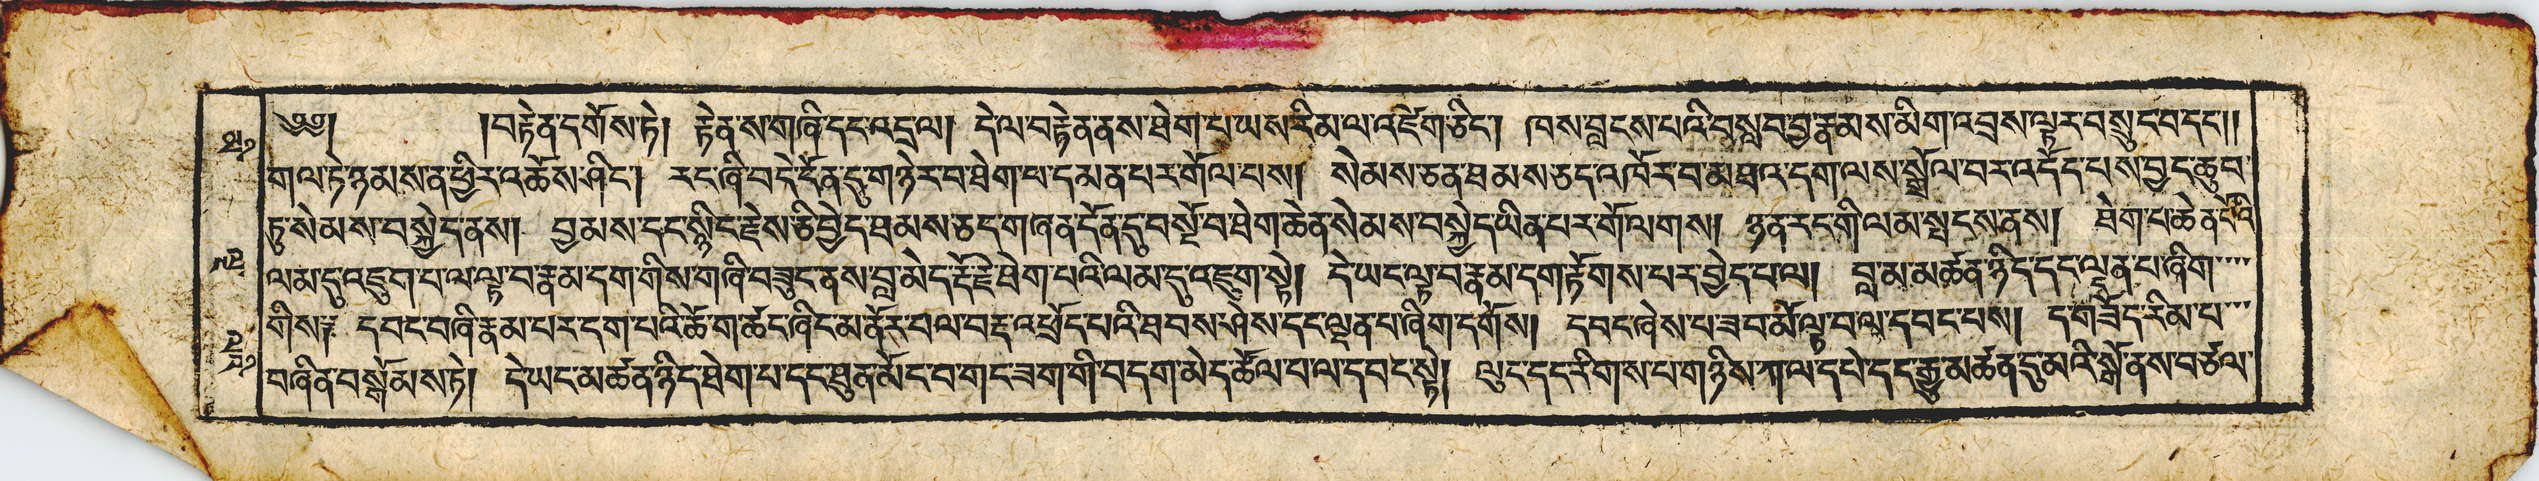ཐོག་མར་བླ་མ་དཀོན་མཆོག་གསུམ་ལ་སྐྱབས་ཞུས་ནས། བསླབ་བྱ་ལ་ཚུལ་བཞིན་སློབ་པ་དང་། བརྟེན་དགོས་ཏེ། རྟེན་ས་གཞི་དང་འདྲ་ལ། དེ་ལ་བརྟེན་ནས་ཐེག་པ་ཡས་རིམ་ལ་འཛེག་ཅིང་། ཁས་བླངས་པའི་བསླབ་བྱ་རྣམས་མིག་འབྲས་ལྟར་བསྲུང་བ་དང་། 
གལ་ཏེ་ཉམས་ན་ཕྱིར་འཆོས་ཤིང་། རང་ཞི་བདེ་དོན་དུ་གཉེར་བ་ཐེག་པ་དམན་པར་གོལ་པས། སེམས་ཅན་ཐམས་ཅད་འཁོར་བ་མཐའ་དག་ལས་སྒྲོལ་བར་འདོད་པས་བྱང་ཆུབ་
ཏུ་སེམས་བསྐྱེད་ནས། བྱམས་དང་སྙིང་རྗེས་ཅི་བྱེད་ཐམས་ཅད་གཞན་དོན་དུ་བསྔོ་བ་ཐེག་ཆེན་སེམས་བསྐྱེད་ཡིན་པར་གོ་ལགས། ཉན་རང་གི་ལམ་སྤངས་ནས། ཐེག་པ་ཆེན་པོའི་
ལམ་དུ་འཇུག་པ་ལ་ལྟ་བ་རྣམ་དག་གིས་གཞི་བཟུང་ནས་བླ་མེད་རྡོ་རྗེ་ཐེག་པའི་ལམ་དུ་འཇུག་སྟེ། དེ་ཡང་ལྟ་བ་རྣམ་དག་རྟོགས་པར་བྱེད་པ་ལ། བླ་མ་མཚན་ཉིད་དང་ལྡན་པ་ཞིག་
གིས༑ དབང་བཞི་རྣམ་པར་དག་པའི་ཆོ་ག་ཚང་ཞིང་མ་ནོར་བ་ལ་བརྡ་འཕྲོད་པའི་ཐབས་ཤེས་དང་ལྡན་པ་ཞིག་དགོས། དབང་ཞེས་པ་ཟབ་མོ་ལྟ་བ་ལ་དབང་བས། ད་གཟོད་རིམ་པ་
བཞིན་བསྒོམས་ཏེ། དེ་ཡང་མཚན་ཉིད་ཐེག་པ་དང་ཐུན་མོང་བ་གང་ཟག་གི་བདག་མེད་ཚོལ་བ་ལ་དབང་སྟེ། ལུང་དང་རིགས་པ་གཉིས་ཀ་ལ་དཔེ་དང་རྒྱུ་མཚན་དུ་མའི་སྒོ་ནས་བཙལ་